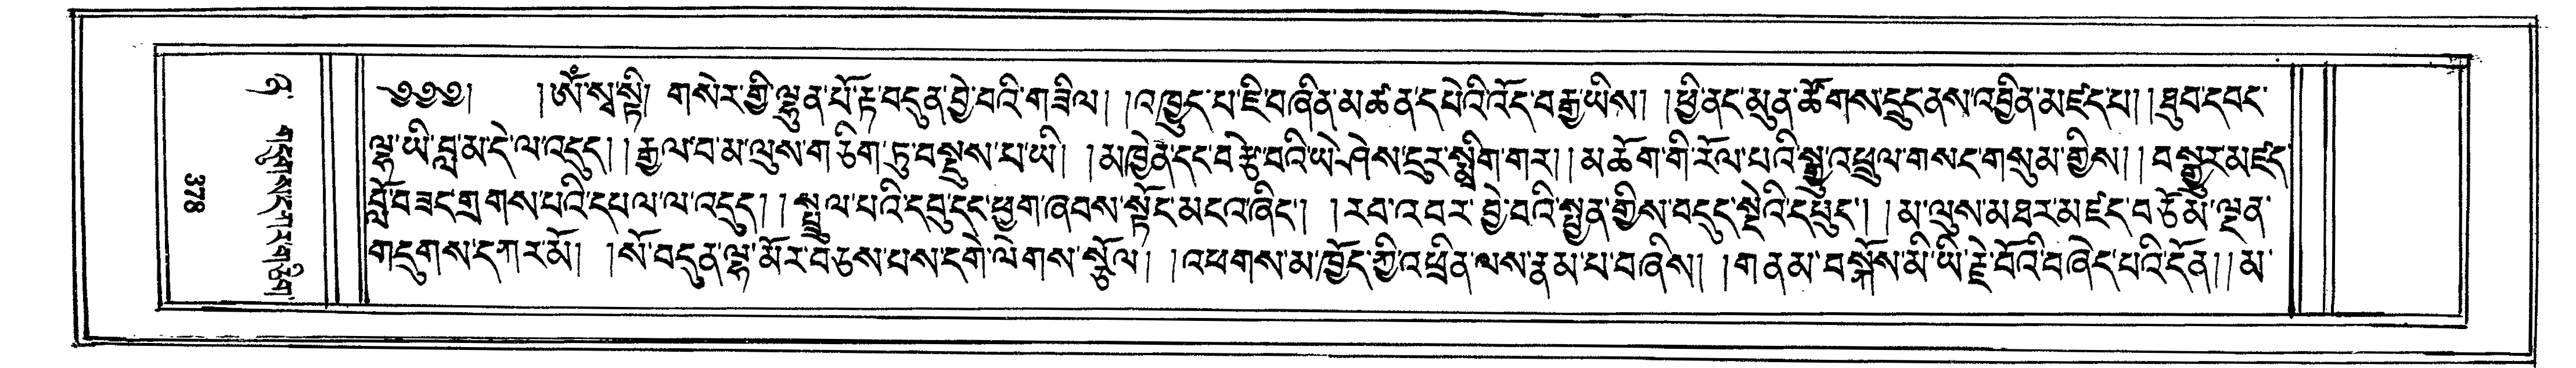༄༅༅། །ཨོཾ་སྭསྟི། གསེར་གྱི་ལྷུན་པོ་རྟ་བདུན་བྱེ་བའི་གཟིལ། །འཁྱུད་པ་ཇི་བཞིན་མཚན་དཔེའི་འོད་བརྒྱ་ཡིས། །ཕྱི་ནང་མུན་ཚོགས་དྲུང་ནས་འབྱིན་མཛད་བ། །ཐུབ་དབང་
ལྷ་ཡི་བླ་མ་དེ་ལ་འདུད། །རྒྱལ་བ་མ་ལུས་གཅིག་ཏུ་བསྡུས་པ་ཡི། །མཁྱེན་དང་བརྩེ་བའི་ཡེ་ཤེས་དུར་སྨྲིག་གར། །མཆོག་གི་རོལ་པའི་སྒྱུ་འཕྲུལ་གསང་གསུམ་གྱིས། །བསྒྱུར་མཛད་
བློ་བཟང་གྲགས་པའི་དཔལ་ལ་འདུད། །སྤྲུལ་བའི་དབུ་དང་ཕྱག་ཞབས་སྟོང་མངའ་ཞིང་། །རབ་འབར་བྱེ་བའི་སྤྱན་གྱིས་བདུད་སྡེའི་དཔུང་། །མ་ལུས་མཐར་མཛད་བཅོམ་ལྡན་
གདུགས་དཀར་མོ། །སོ་བདུན་ལྷ་མོར་བཅས་པས་དགེ་ལེགས་སྩོལ། །འཕགས་མ་ཁྱོད་ཀྱི་འཕྲིན་ལས་རྣམ་པ་བཞིས། །གནམ་བསྐོས་མི་ཡི་རྗེ་བོའི་བཞེད་པའི་དོན། །མ་